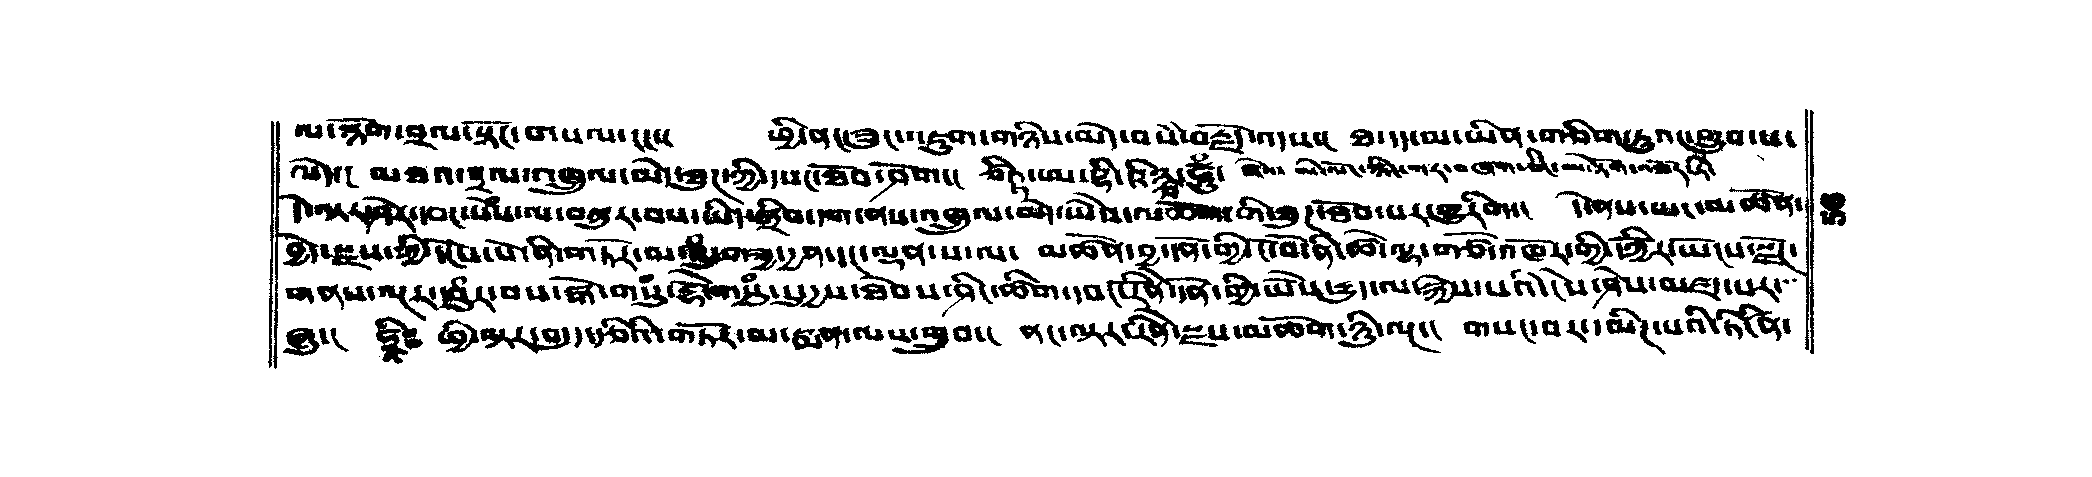ལ་སྙོག་བྲལ་སྟོང་གསལ་ངང་། ཕྱི་ནང་ཟུང་འཇུག་གཉིས་མེད་བསམ་བརྗོད་འདས།ཐ་དད་མ་ཡིན་གཅིག་ཏུའང་གྲུབ་པ་
མེད། མཐའ་བྲལ་འཁྲུལ་མེད་ཐུགས་ཀྱི་དབང་ཐོག་ཤོག ཙིཏྟ་ཨ་བྷི་རིཉྩ་ཧཱུྃ། ཞེས། མེ་ལོང་སྙིང་གར་བཞག་ཅིང་མེ་ཏོག་འཐོར་ཏེ། 
དེ་ལྟར་ཤེར་དབང་སེམས་ལ་བསྐུར་བས་ཧཡིད་སྒྲིབ་དག་ནས་འཁྲུལ་མེད་ཡེ་ཤེས་མཅོག་གི་ཐུགས་ཐོབ་པར་གྱུར་ཅིག དེ་ནས་ཡང་མཚོན་
བྱེད་རྫས་ཀྱི་དངོས་པོ་ནི་གཏོར་མ་་་་གཟུགས་རྒྱན་དང་ལྡན་པ་ལ། མཚོན་བྱ་དོན་གྱི་ངོ་བོ་ནི་ཚེ་ལྷ་གཙོ་འཁོར་གྱི་དཀྱིལ་འཁོར་ཡོངས་རྫོགས་
གནས་ལྔ་དབང་བསྐུར་བས་སྒོ་གསུམ་རྡོ་རྗེ་གསུམ་དུ་རྒྱས་ཐེབས་ཤིང་ཚིག་དབང་རིན་པོ་ཆེ་དོན་གྱི་ཡེ་ཤེས་རྒྱུད་ལ་སྐྱེས་པའི་ངེས་ཤེས་མཛད་པར་
ཞུ། ཧྲཱིཿ ཕྱི་ལྟར་བདུད་རྩིའི་གཏོར་མ་སྨན་ལས་གྲུབ། ནང་ལྟར་རིན་ཆེན་རྫས་མཆོག་ཉི་ཤུ་ལྔ། གསང་བར་དམིགས་པའི་ཏིང་འཛིན་